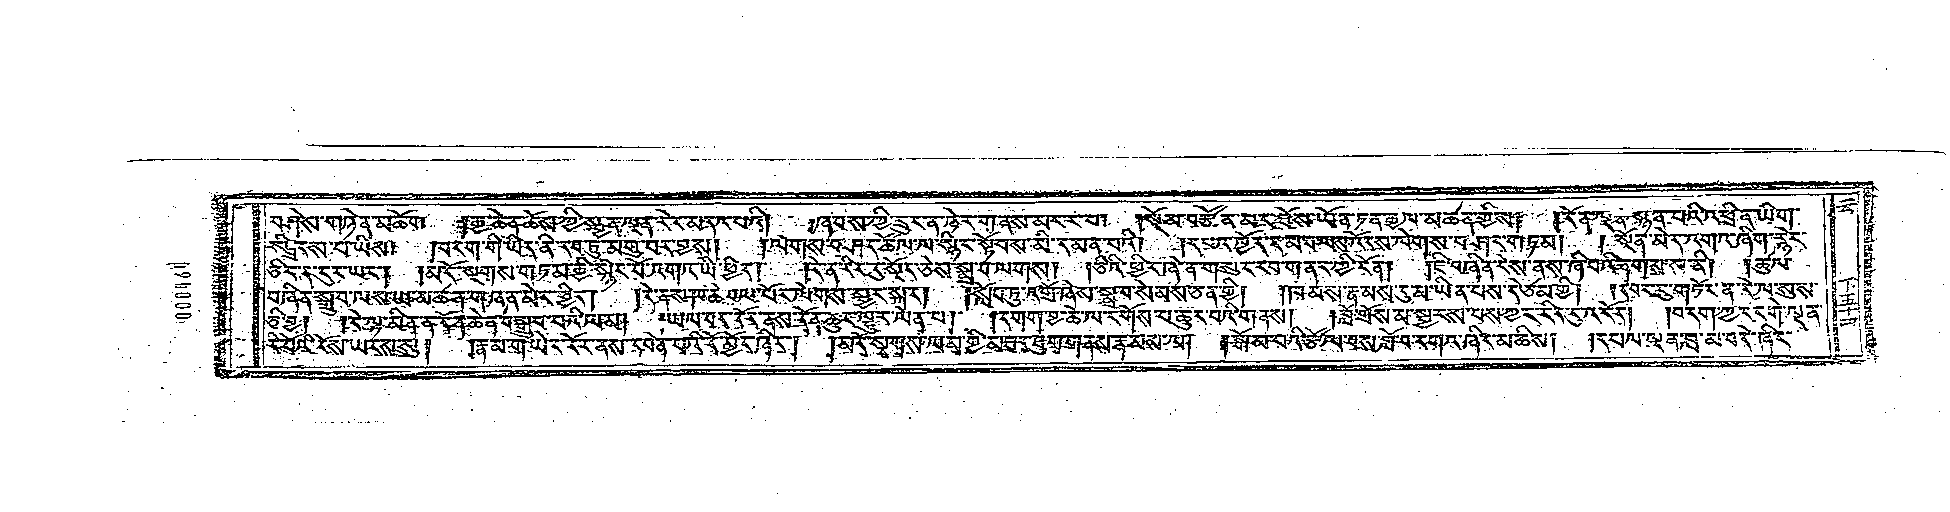བཤེས་གཉེན་མཆོག །རྒྱ་ཆེན་ཆོས་ཀྱི་སྤྱན་ལྡན་རེང་མདའ་པའི། །ཞབས་ཀྱི་དྲུང་ན་ཉེར་གནས་མངར་བ། །སྡོམ་བརྩོན་མང་ཐོས་ཡོན་ཏན་རྒྱལ་མཚན་གྱིས། །དོན་ལྡན་སྙན་པའི་འཕྲིན་ཡིག་
སྤྲིངས་པ་ཡིས། །བདག་གི་ཡིད་ནི་རབ་ཏུ་མགུ་བར་བྱས། །ལེགས་བཤད་ཚོལ་ལ་སྙིང་སྟོབས་མི་དམན་པའི། །དཔའ་ཁྱོད་དམ་པ་ལས་འོངས་ལེགས་བཤད་གཏམ། །སྔོན་མེད་འགའ་ཞིག་རྙེད་
ཅིང་ད་དུང་ཡང་། །མདོ་སྔགས་གཏམ་གྱི་སྙིང་པོ་འགའ་ཡི་ཕྱིར། །དེ་ན་རིང་དུ་སྡོད་ཅེས་སྨྲ་བ་ལགས། །ཅིའི་ཕྱིར་ཞེ་ན་གསུང་རབ་གནང་ཀྱི་དོན། །ཇི་བཞིན་དེས་ནས་ཞི་བའི་ནགས་ས་ནི། །ཚུལ་
བཞིན་སྒྲུབ་ལས་ཡ་མཚན་གཞན་མེད་ཕྱིར། །དེ་ནས་ཁ་ཆེ་བལ་པོར་ལེགས་སྦྱང་སྐང་། །སློབ་ཏུ་འགྲོ་ཞེས་སྨྲ་བ་སེམས་ཅན་གྱི། །ཁམས་རྣམས་དུ་མ་ཡིན་པས་དེ་ཙམ་གྱི། །དབང་དུ་གཏོང་ན་དེ་ལ་སུས་
ཅི་བྱ། དེ་ལྟ་མིན་ན་དོན་ཆེན་བསྒྲུབ་པའི་ལམ། །ཡལ་བར་དོར་ནས་དོན་ཆུང་ལྷུར་ལེན་པ། །དགག་བྱ་ཆེ་ལ་དགོས་པ་ཆུང་བའི་གནས། །བློ་གྲོས་མ་སྦྱངས་པས་ཀྱང་རིང་དུ་འདོར། །བདག་ཀྱང་དགེ་ལྡན་
རི་བོའི་ངོས་ཡངས་སུ། །རྣམ་གཡེང་ངོར་ནས་དབེན་པའི་རོ་མྱོང་ཞིང་། །མདོ་སྔགས་ལམ་གྱི་མཐར་ཐུག་གནས་རྣམས་ལ། །སྒོམ་པའི་རྩོལ་བས་གློ་བ་དགའ་ཞིང་མཆིས། །དཔལ་ལྡན་བླ་མ་བདེ་ཞིང་